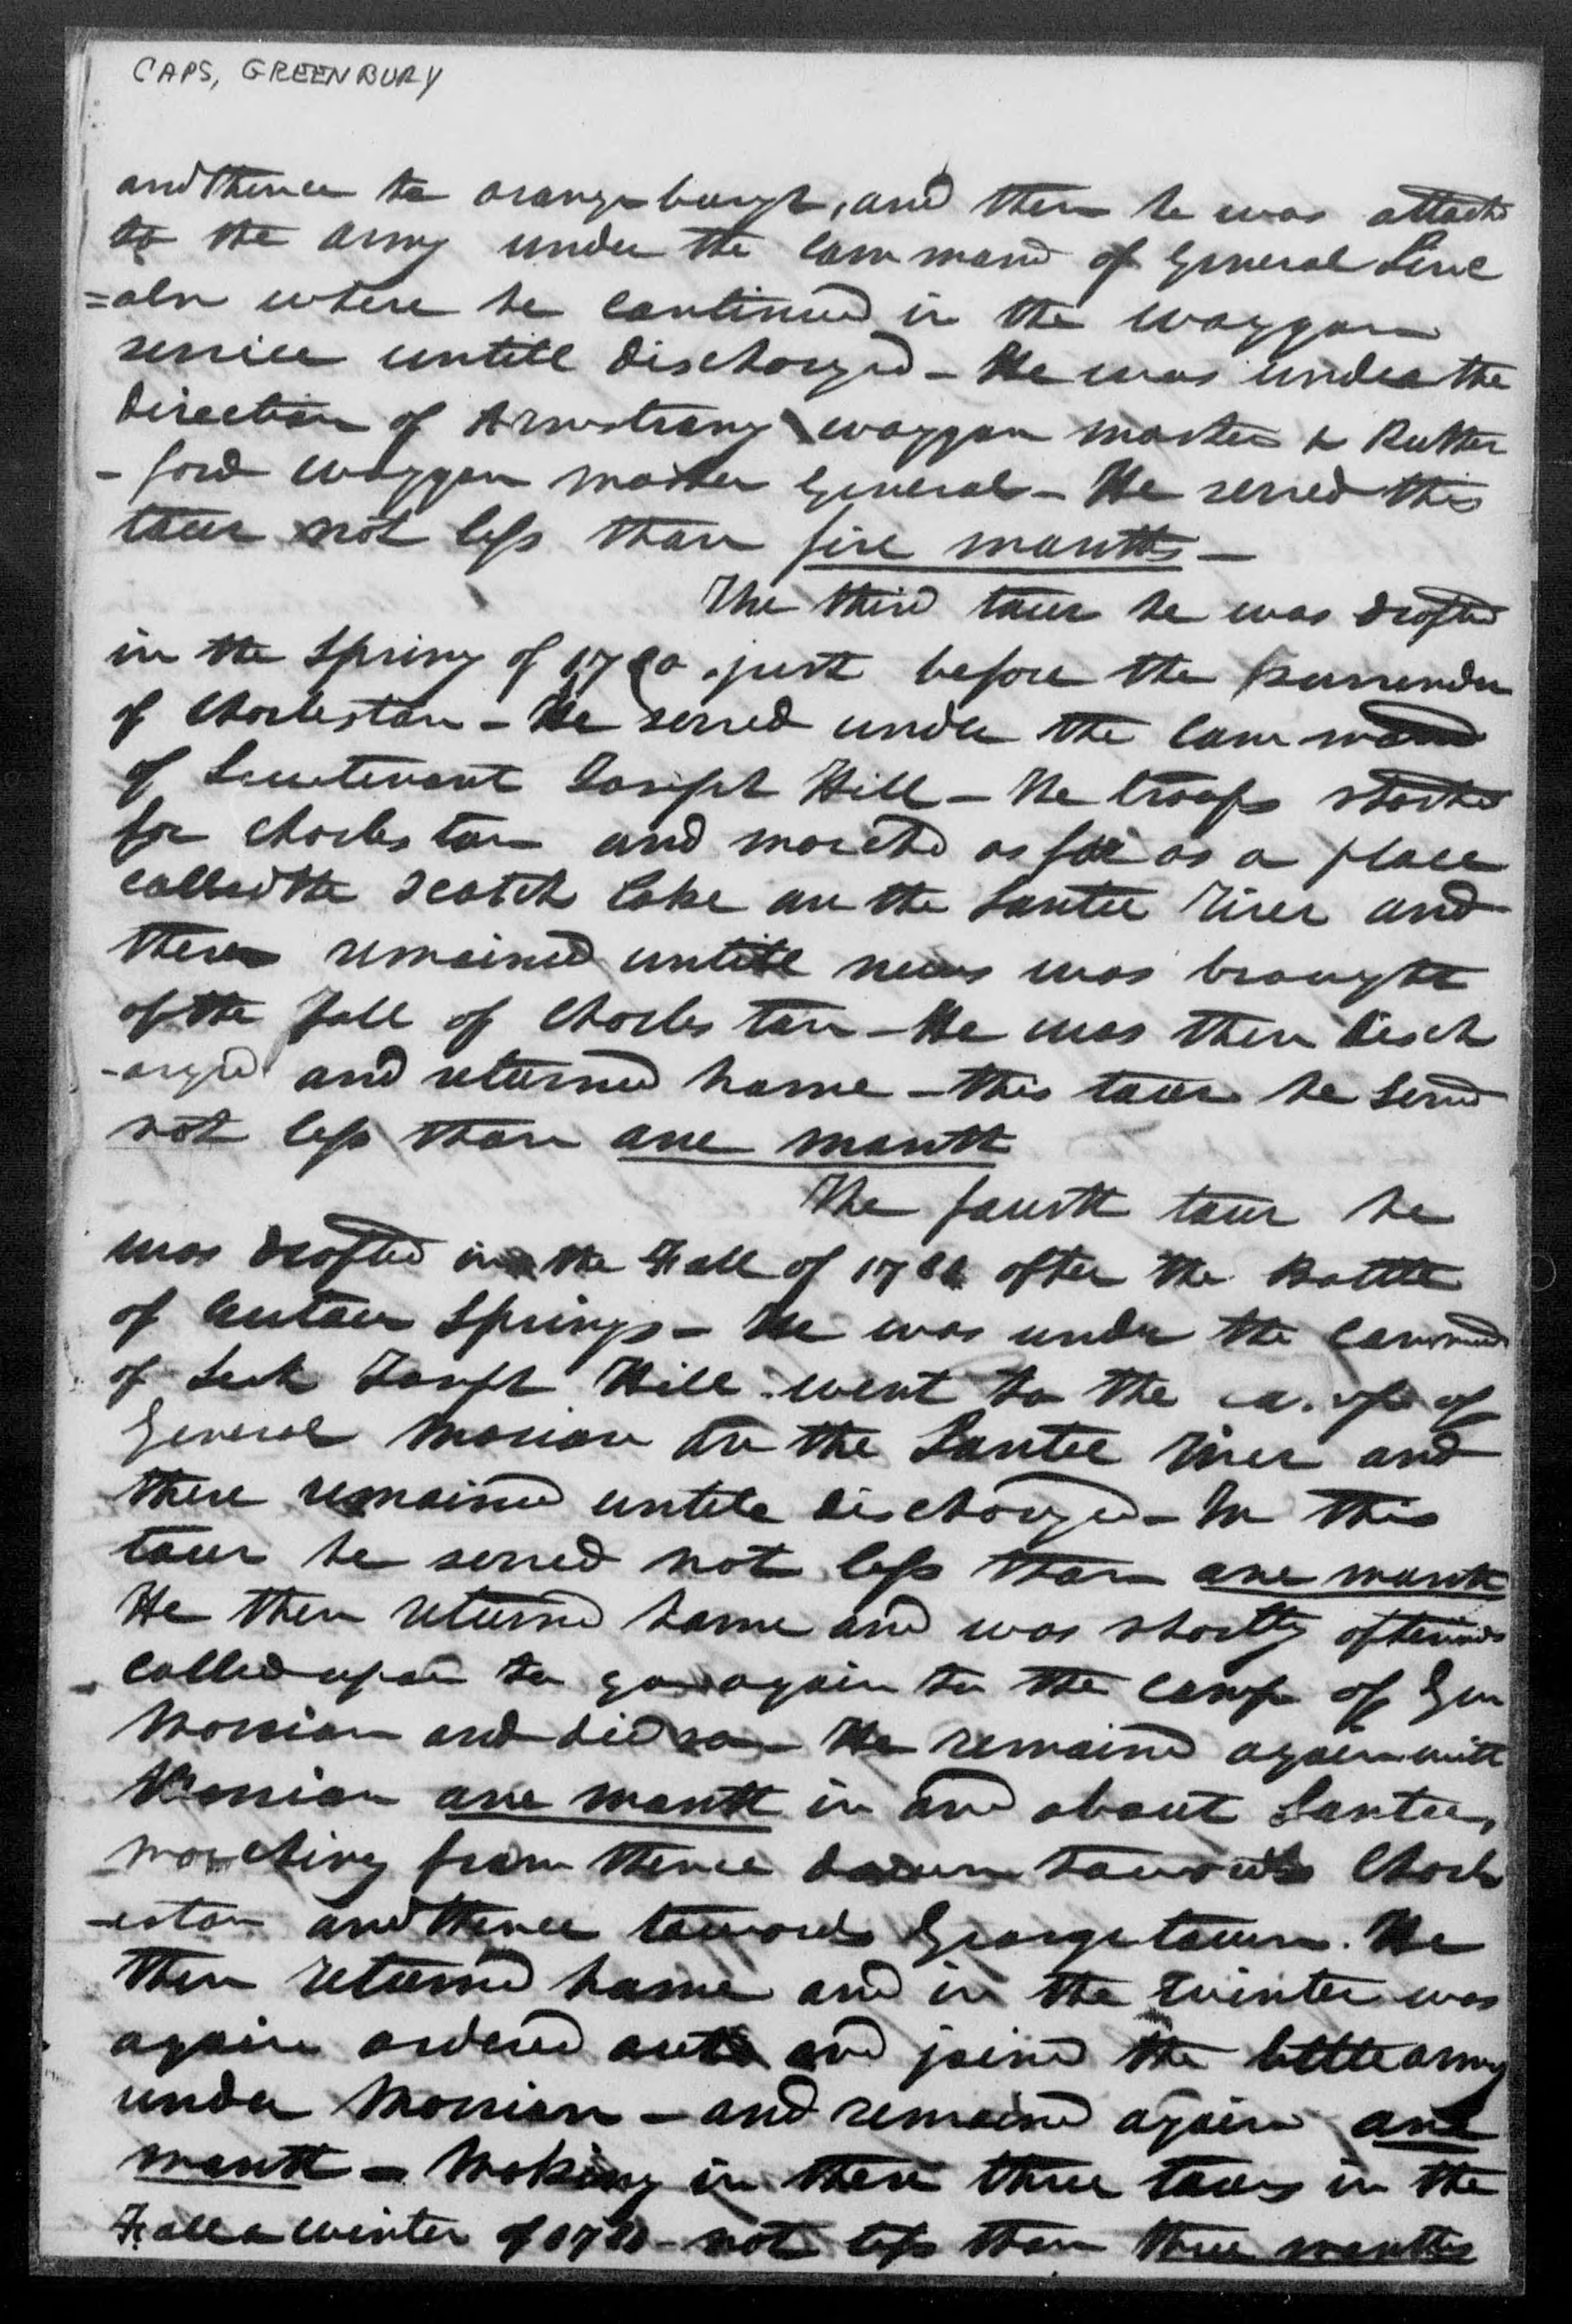CAPS, GREENBURY                                        and thence to Orangeburg and there he was attached to the army under the command of General Lincoln where he continued in the wagoner service until discharged - He was under the  direction of  Armstrong wagon master  & Rutherford  wagon master general - He served this tour not less than ( five months ) ( underscored ) - The third tour he was drafted  in the spring of 1780 (?) just before the surrender of Charleston - He served under the command of Lieutenant Joseph Hill - the troops  marched for Charleston  and marched  as far as a place called the scotch lake on the  Santee river and there remained until news was brought of the fall of Charleston - He was then discharged and returned home - this tour he served not less than ( one month ) ( underscored ). The fourth tour he was drafted  in the Fall of 1781 (?) after the Battle of  Eutaw Springs - He was under the command of  Genl Joseph Hill went to the camps of General Marian on the Santee river and there remained until discharged - In this tour he served not less that ( one month ) ( underscored ) . He then returned home and was shortly afterwards call  upon to go again  in the camp of Gen Marian and did so - He remained again with  Marian ( one month ) ( underscored )  in and about Santee  marching from thence  down towards Charleston and thence towards Georgetown. He then returned home and in the winter was again ordered out and joined the little army under  Marian - and remained  again (one month ) ( underscored ) making in there three tours in the fall  and winter of 1780 - not less than ( three months ) ( underscored ) .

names: Greenbury Caps, Marion, Joseph Hill, Lincoln, Joseph Hill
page: 5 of 26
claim: survivor's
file: S. 21105, Greenbery Caps, S.C.